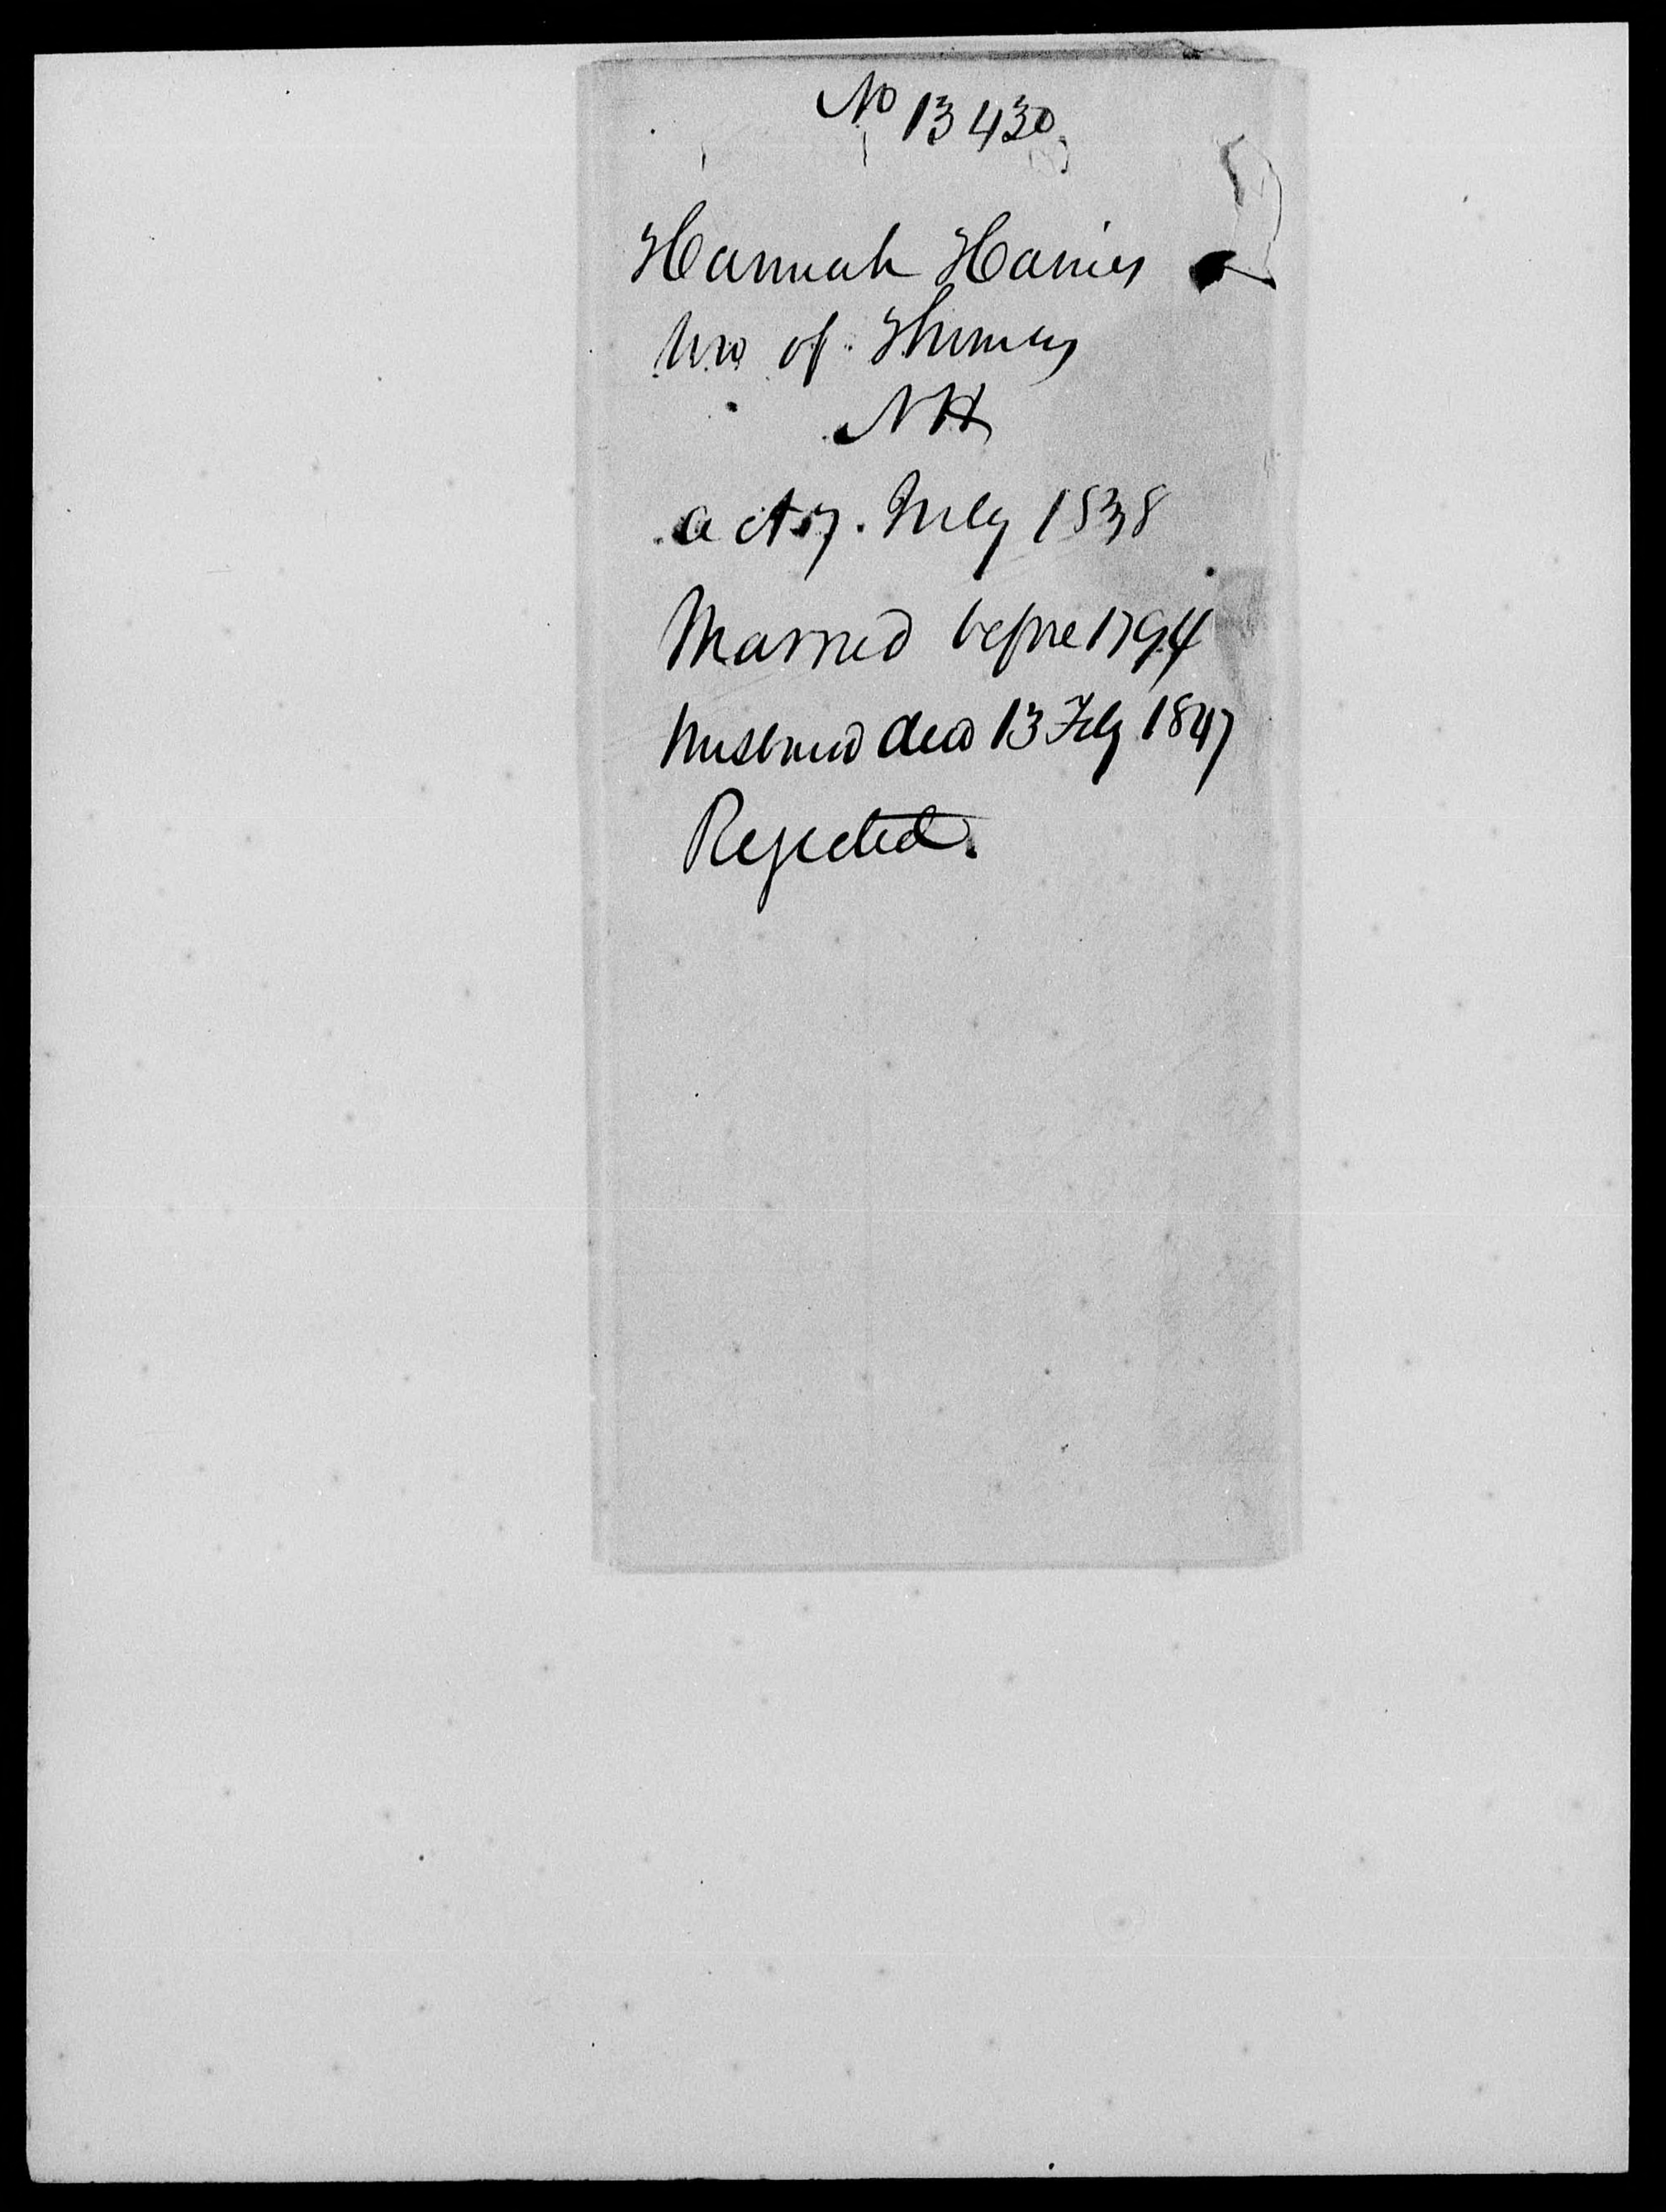No 13430

Hannah Haines
Wd. Of Thomas
NH
Act 7 July 1838
Married before 1794
Husband dead 13 Feby 1847
Rejected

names: Thomas Haines, Hannah Haines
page: 48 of 57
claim: widow's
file: W. 23217, Thomas Haines, N H